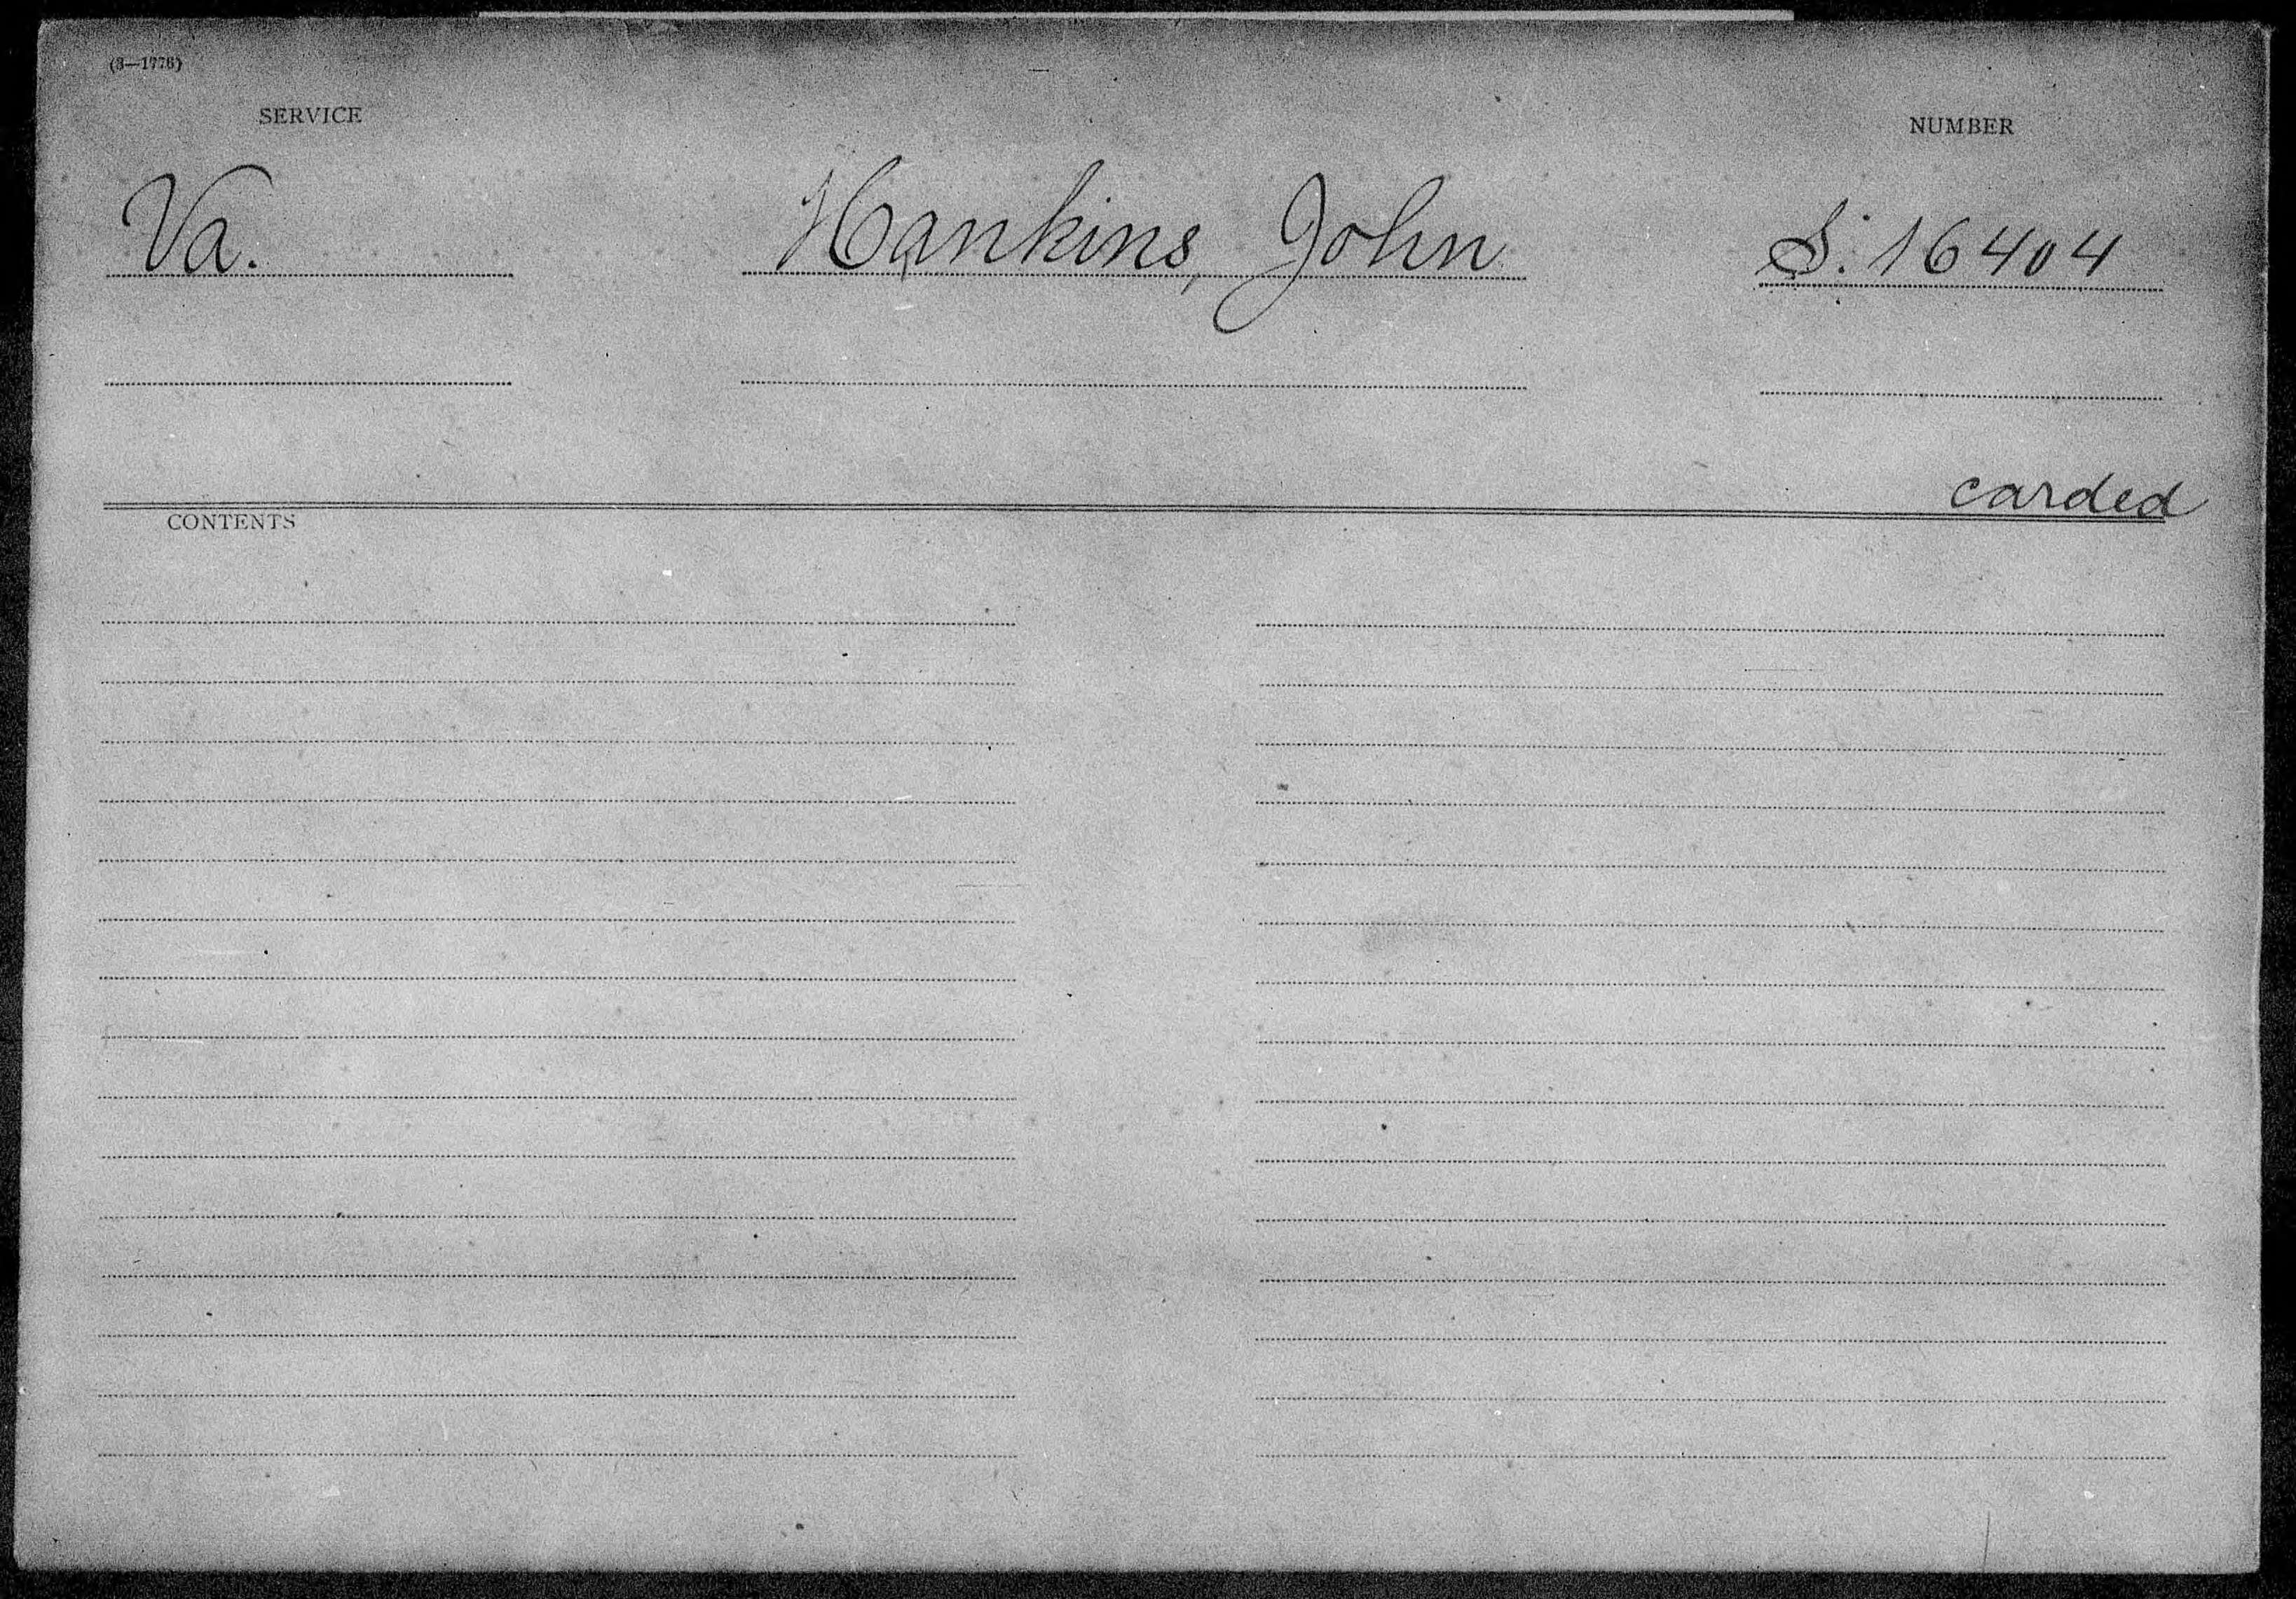Service Va.

Hankins, John

Number S: 16404

carded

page: 1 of 19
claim: survivor's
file: S. 16404, John Hankins, Va.